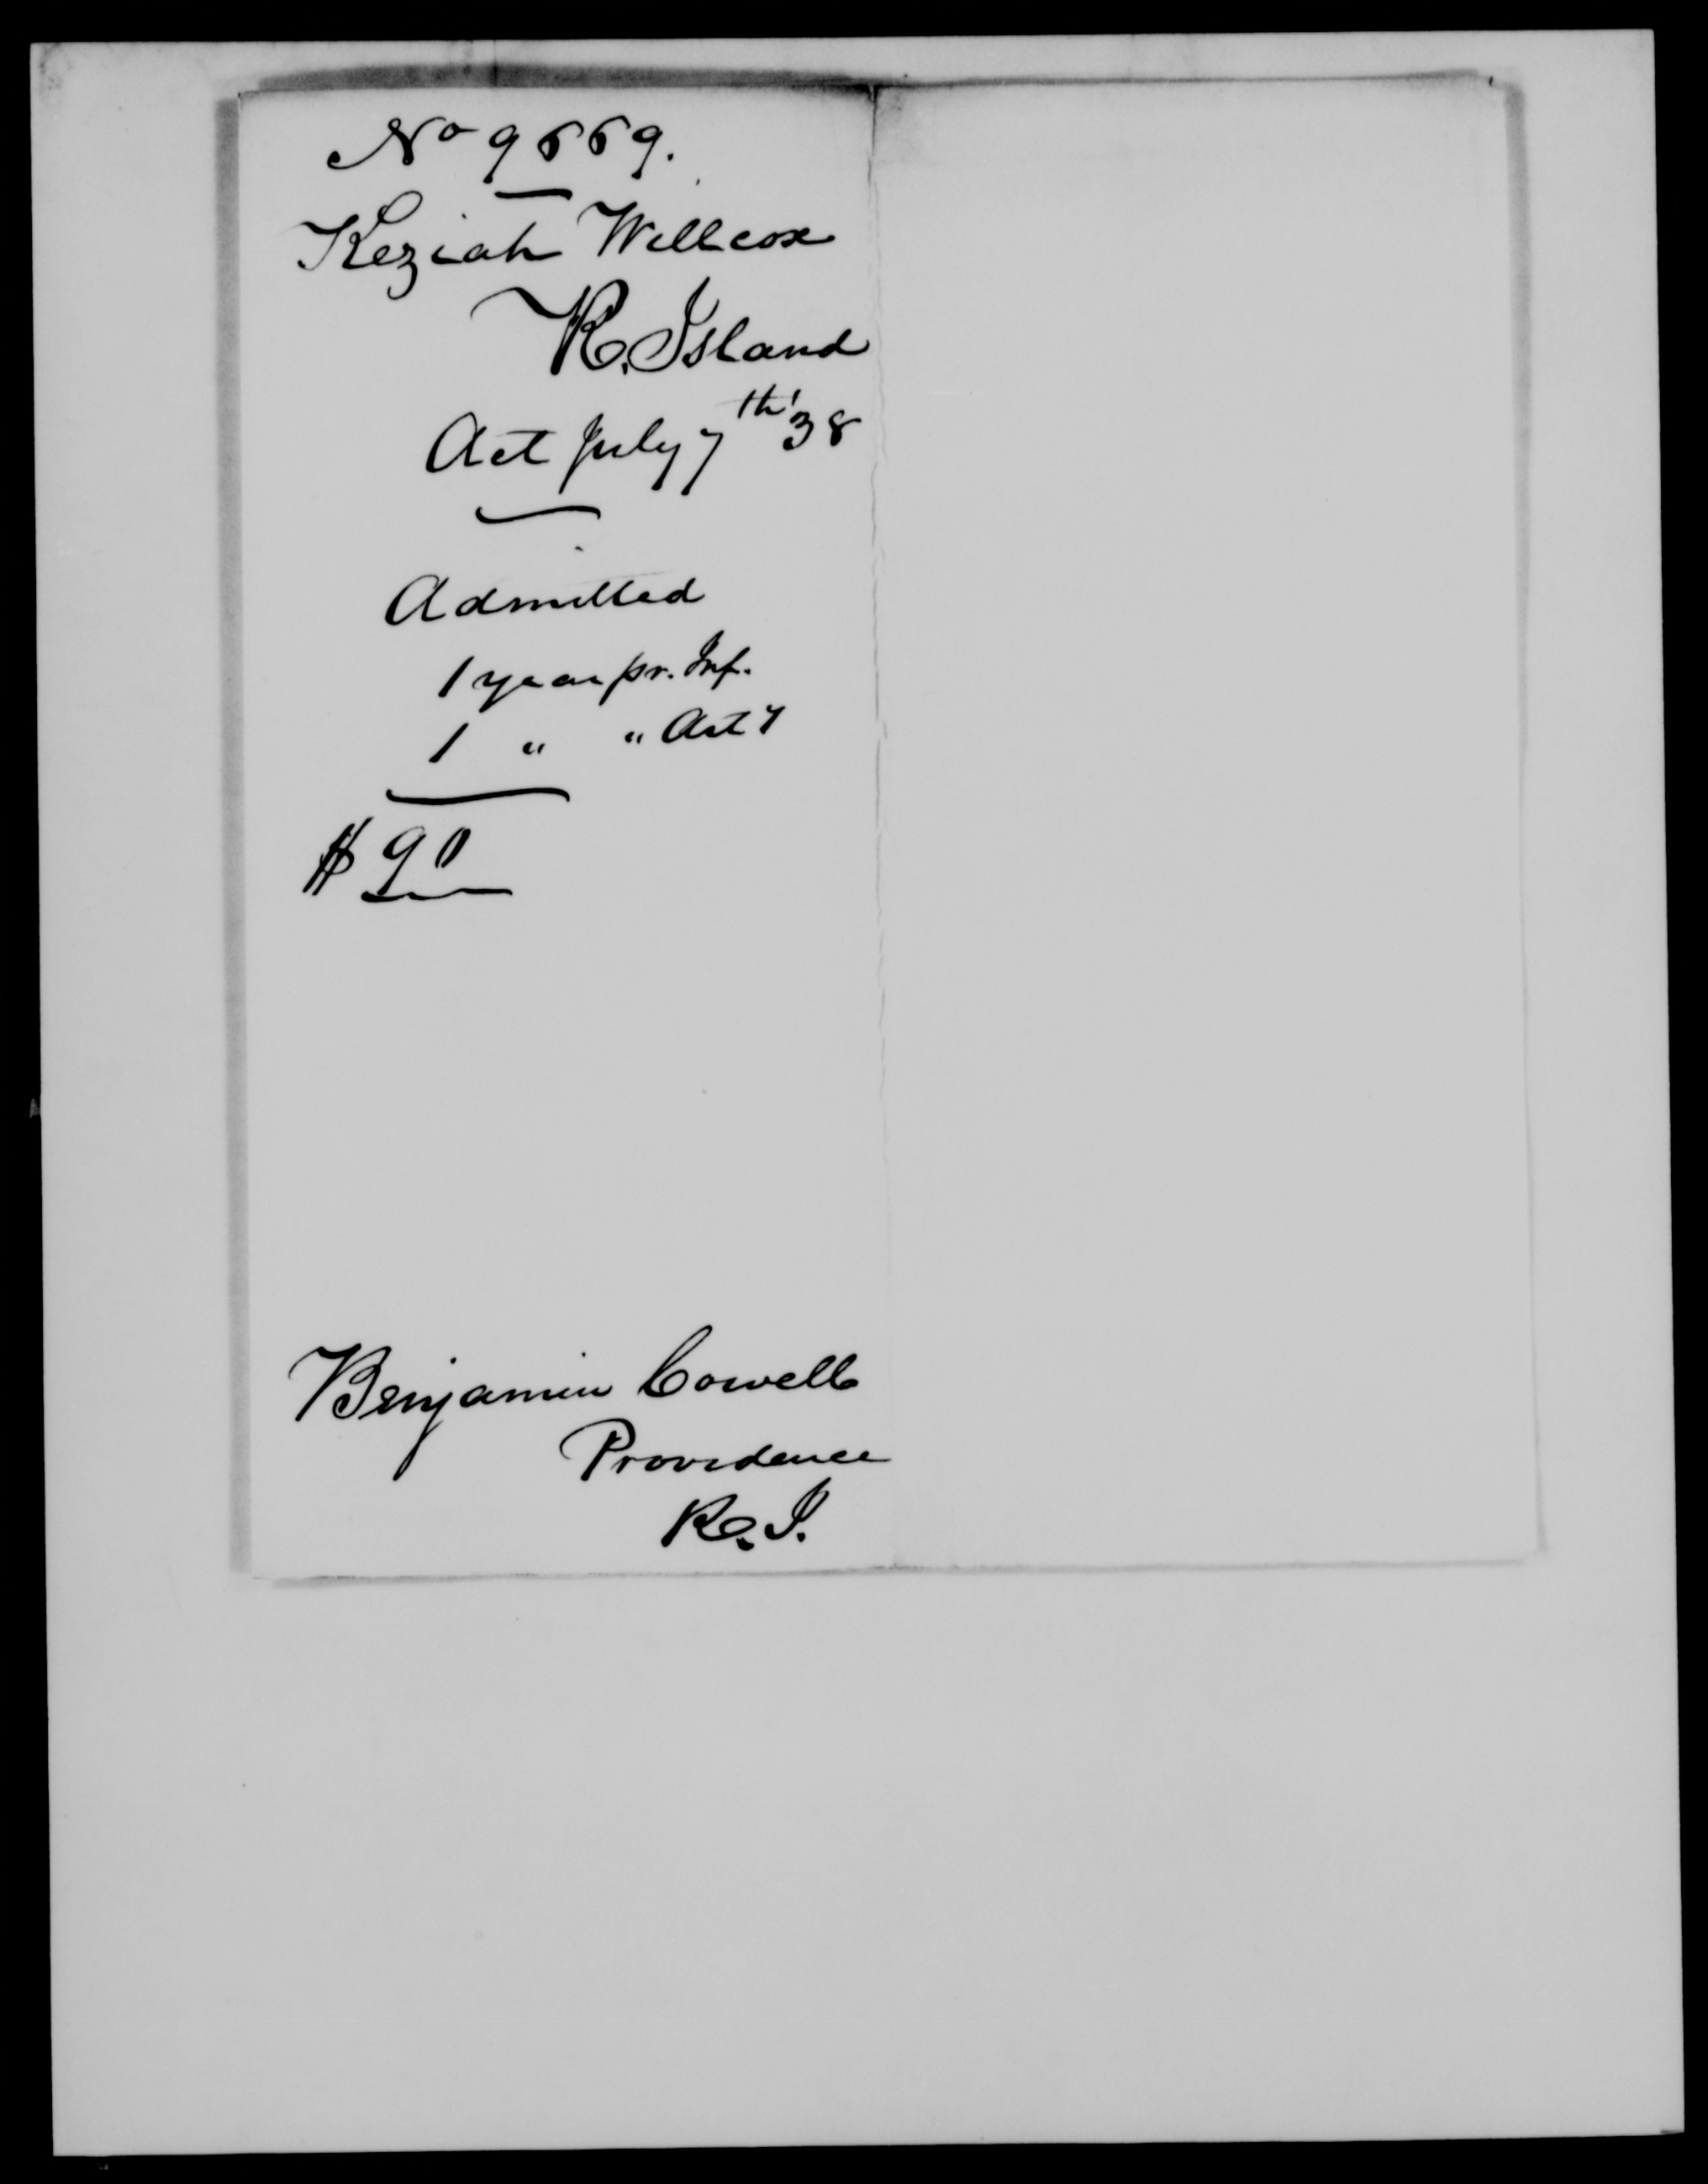No 9669.
Keziah Willcox
R. Island
Act July 7th 38
Admitted
year proof
1
year pr, Act 7
$90
Benjamin Cowells
Providence
R I.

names: Keziah Willcox, Benjamin Cowell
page: 31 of 39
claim: widow's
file: W. 26046, Thomas Willcox, R.I.